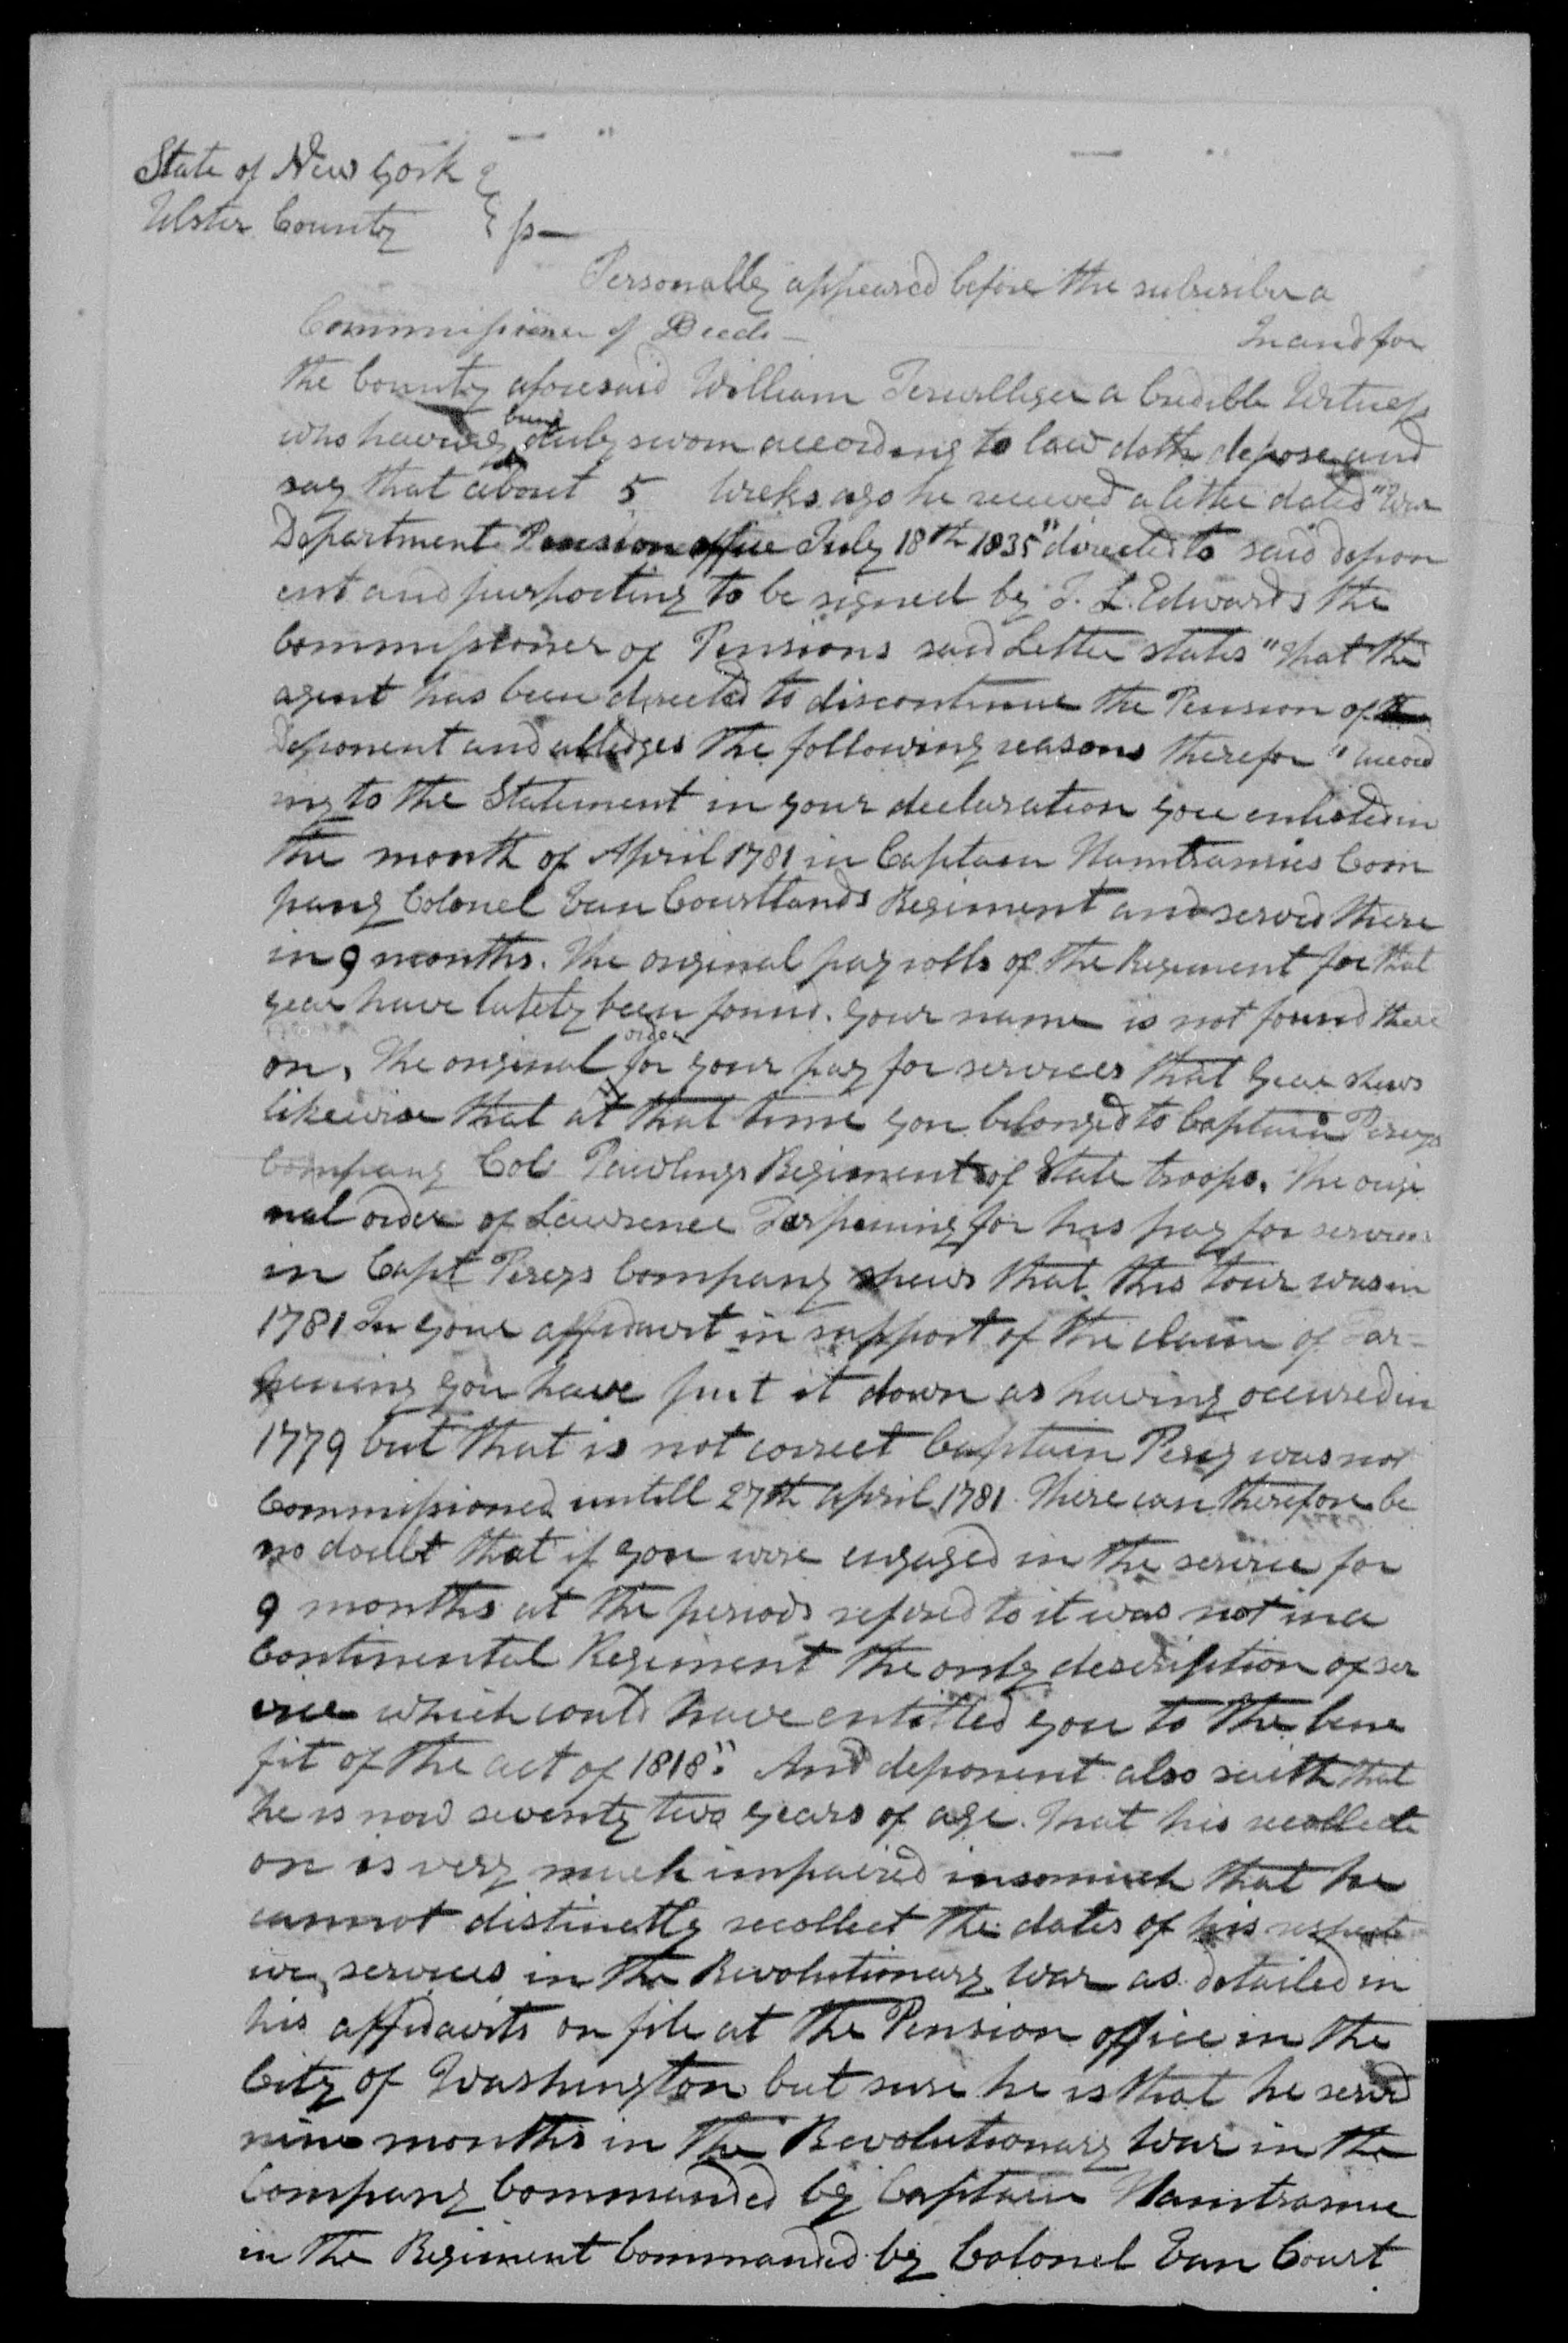State of New York
Ulster County
Personally appeared before the subscriber a
Commissioner of Deeds
In and for
the County aforesaid William Terwilliger a credible witness
who having duly sworn according to law doth depose and
say that about 5 weeks as he received a letter dated "
Department Pension Office July 18th 1835, directed to said deponent and purporting to be signed by J. L. Edwards the
Commissioner of Pensions said Letter states that the
agent has been directed to discontinue the Pension of
deponent and alledges the following reasons therefor record
according to the Statement in your declaration you enlisted in
the month of April 1781 in Captain Hamtramis Company Colonel Van Courtlands Regiment and served these
in months. The original pay rolls of the Regiment for that
year have lately been found. Your name is not found there
on the original for your pay for services that year shows
likewise that at that time you belonged to Captain Percy
Company Col Pawlings Regiment of State troops, the colonel order of Lawrence terpening for his pay for service
in Capt Peters Company shows that this tour was in
1781 In your affidavit in support of the claim of a
pension you have put it down as having occured in
1779 but that is not correct Captain Perry was not
Commissioned untill 27th April 1781. There are therefore be
no doubt that if you were engaged in the service for
9 months at the periods refered to it was not in
Continental Regiment the only description of service which could have entitled you to the benefit of the act of 1818. And deponent also saith that
he is now seventy two years of age. That his recollect
on is very much impaired insomuch that he
cannot distinctly recollect the dates of his respective services in the Revolutionary War as detailed in
his affidavit on file at the Pension office in the
City of Washington but sure he is that he served
nine months in the Revolutionary War in the
Company commanded by Captain Hamtrasic
in the Regiment commanded by Colonel Van Court[land]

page: 11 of 64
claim: survivor's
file: S. 42,464, for William Terwilliger, New York